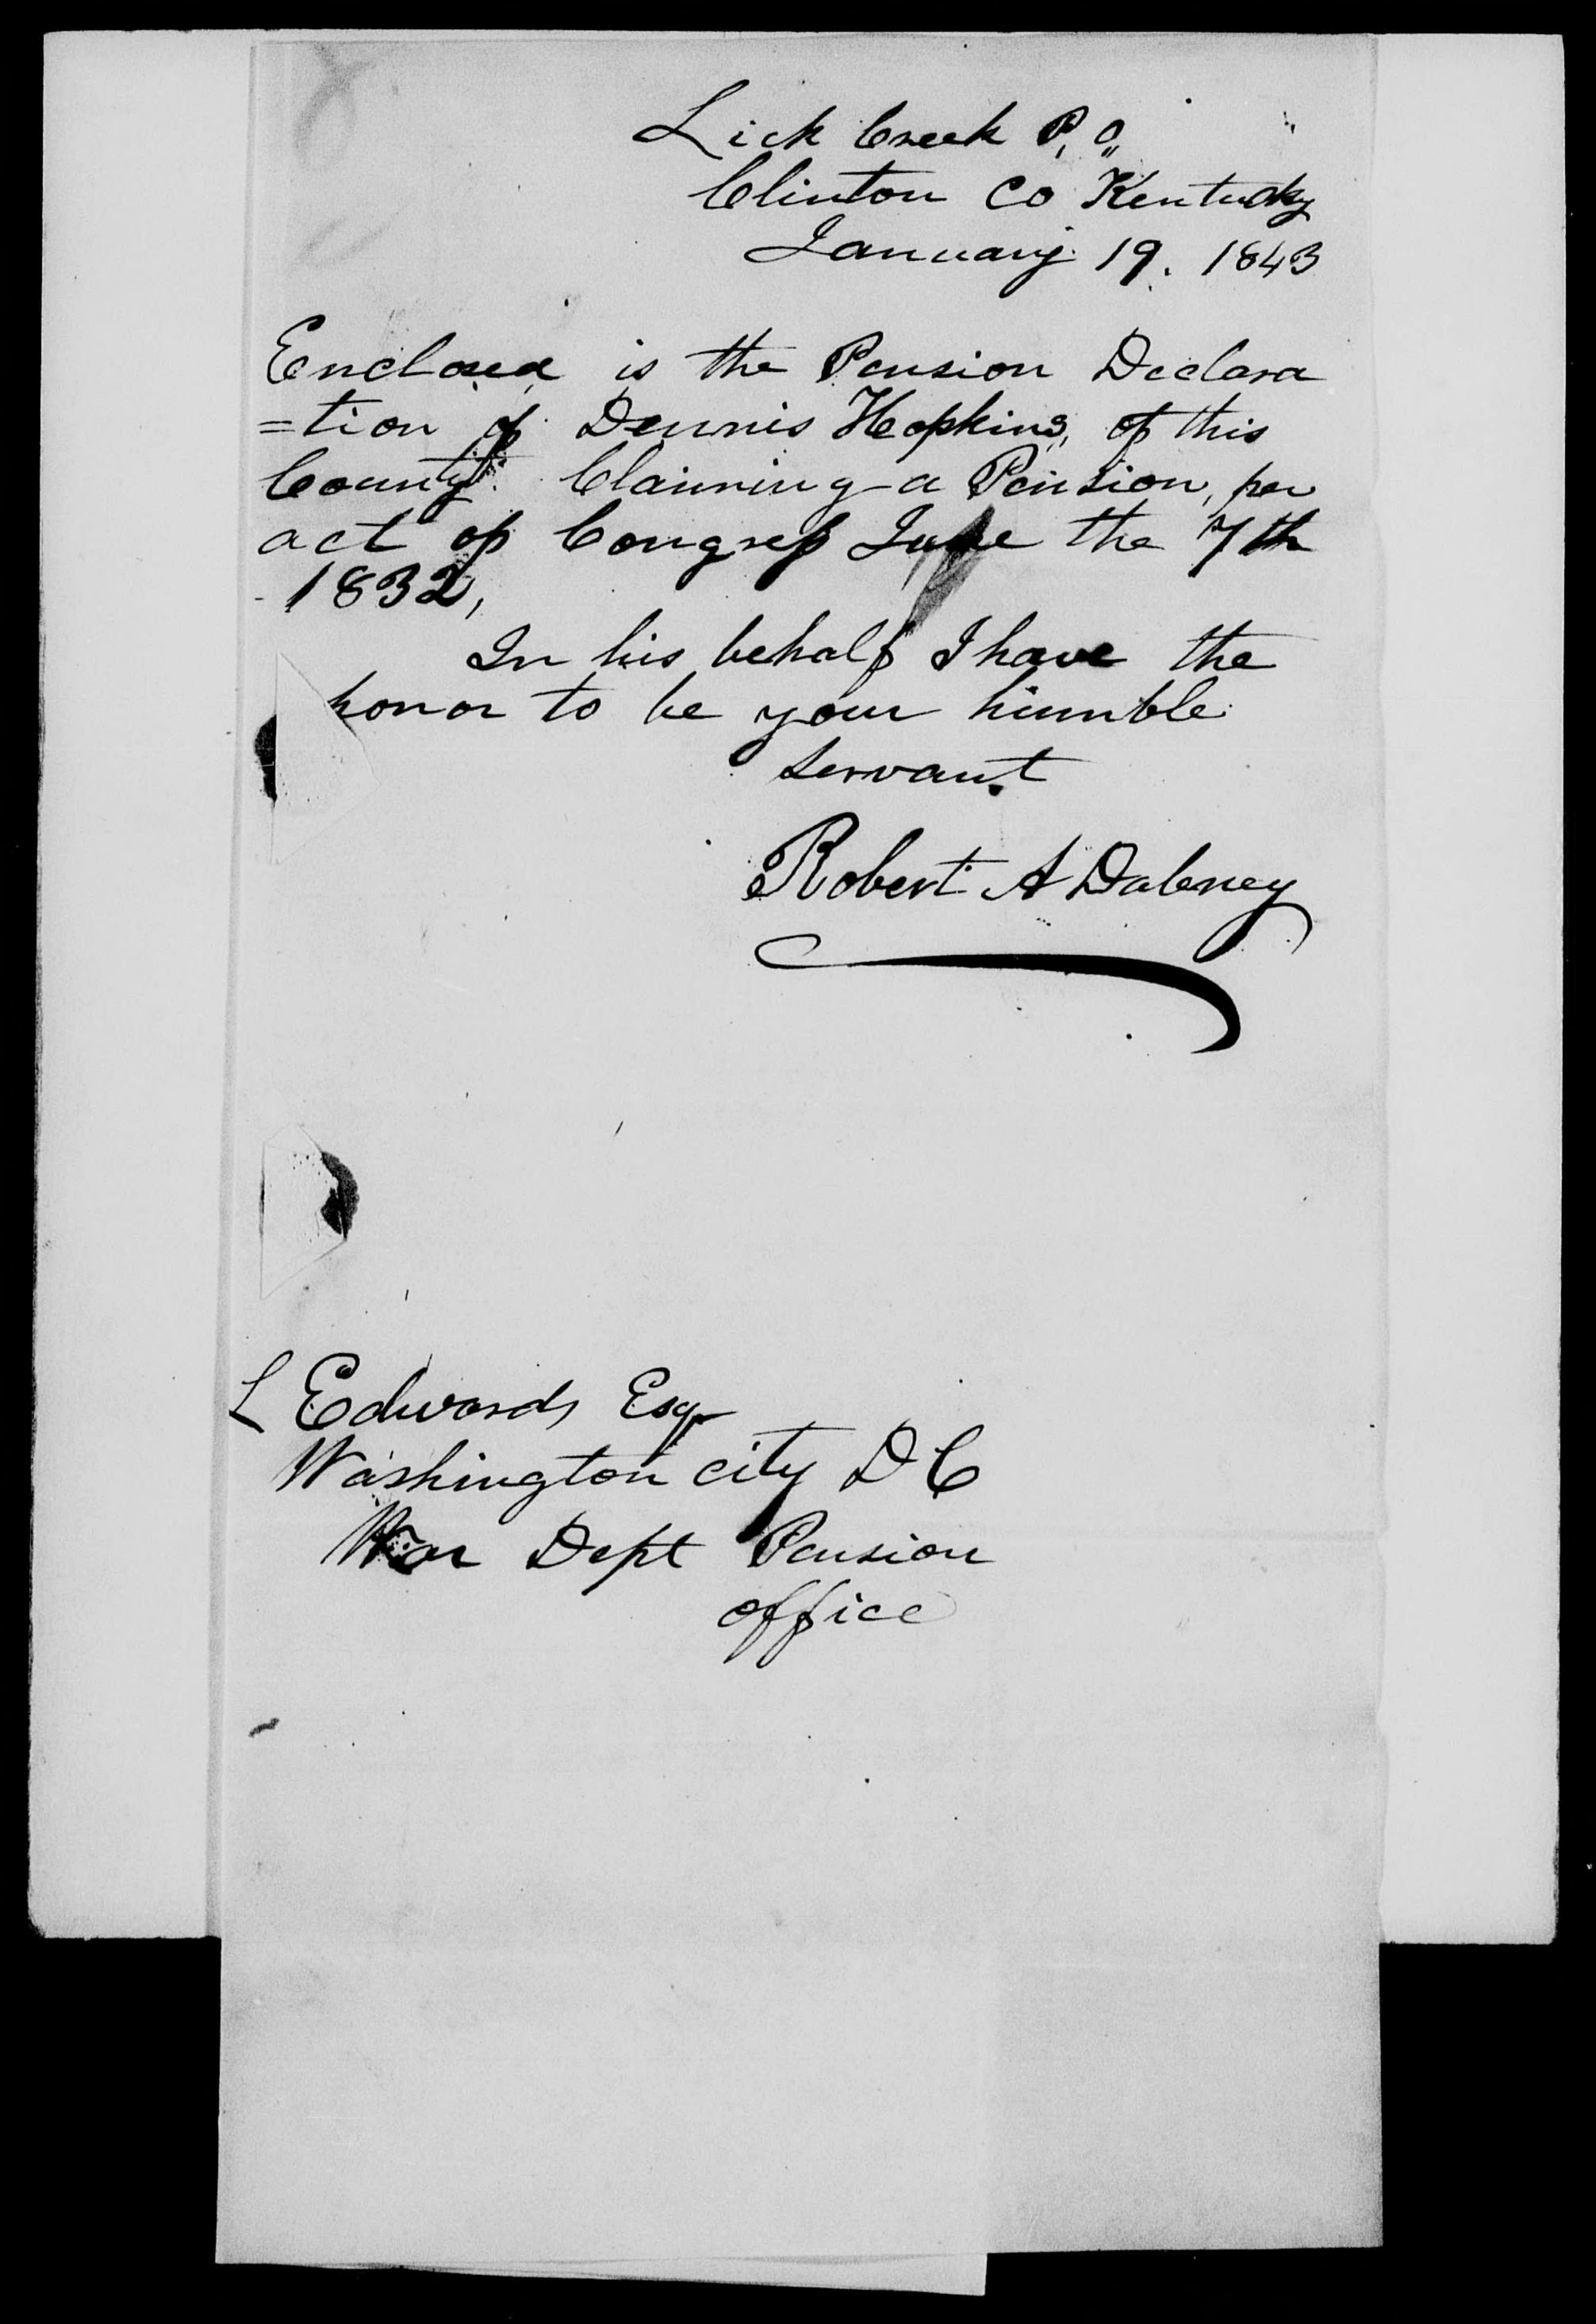Lick Creek P.O.
Clinton Co Kentucky
January 19. 1843

Enclosed is the Pension Declaration of Dennis Hopkins of this County Claiming a Pension, per act of Congress June the 7th 1832
In his behalf I have the honor to be your humble servant

Robert A Dabney [signature] 


L. Edwards Esq
Washington City D C
War Dept
Pension
office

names: Robert A Dabney, L Edwards, Dennis Hopkins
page: 18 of 144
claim: rejected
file: R. 5208, Dennis Hopkins, N.C.